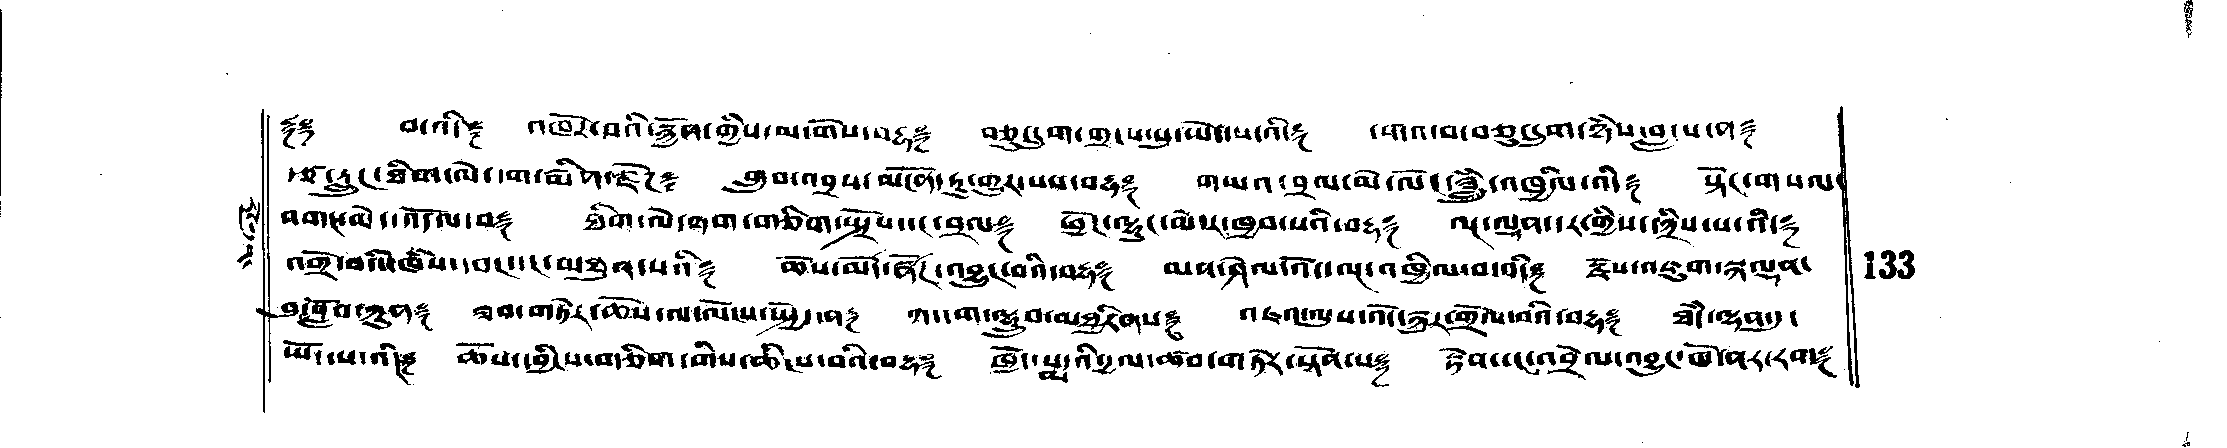བ་འདི། །འཁོར་བའི་སྐྱོན་གྱིས་མ་གོས་བརྡ། །བཅུ་དྲུག་གྲངས་སུ་ཡོད་པ་འདི། །དགའ་བ་བཅུ་དྲུག་ཉམས་བླངས་ན། །
རྩ་རླུང་ཐིག་ལེ་དག་སྨིན་རྫོགས། །གྲུབ་འབྲས་མངོན་དུ་གྱུར་པའི་བརྡ། །གཡའ་བྲལ་མེ་ལོང་ཟླུམ་འཁྱིལ་འདི། །སྟོང་གསལ་
འགགས་མེད་འོད་གསལ་བ། །ཐིག་ལེ་ཉག་གཅིག་སྤྲོས་དང་བྲལ། །ཕྱོགས་ལྷུང་མེད་པར་ཁྱབ་པའི་བརྡ། །ལྔ་ལྡན་དར་གྱིས་དཀྲིས་པ་འདི། །
འགྲོ་བའི་ཁམས་དབང་དང་མཐུན་པའི། །ཆོས་མཛོད་སྣ་ཚོགས་འབྱུང་བའི་བརྡ། །མན་ཤེལ་འོད་ལྔ་འཁྱིལ་བ་འདི། །རྗེས་འཇུག་སྐལ་ལྡན་
བུ་སློབ་ཀུན། །ཟབ་གཏེར་ཆོས་ལ་ལོངས་སྤྱོད་ན། །ཀ་དག་ལྷུན་གྲུབ་མཐར་ཕྱིན་ནས། །འཇའ་ལུས་འོད་སྐུར་གྲོལ་བའི་བརྡ། །ཐམས་ཅད་ལྷན་དུ་
ཡོད་པ་འདི། །ཆོས་དབྱིངས་གཅིག་གིས་ཆིངས་བའི་བརྡ། ཁྱོད་པདྨའི་རྒྱལ་ཚབ་གཏེར་སྟོན་པ། །རྟེན་དང་འབྲེལ་འབྱུང་ཁོ་ནར་རག